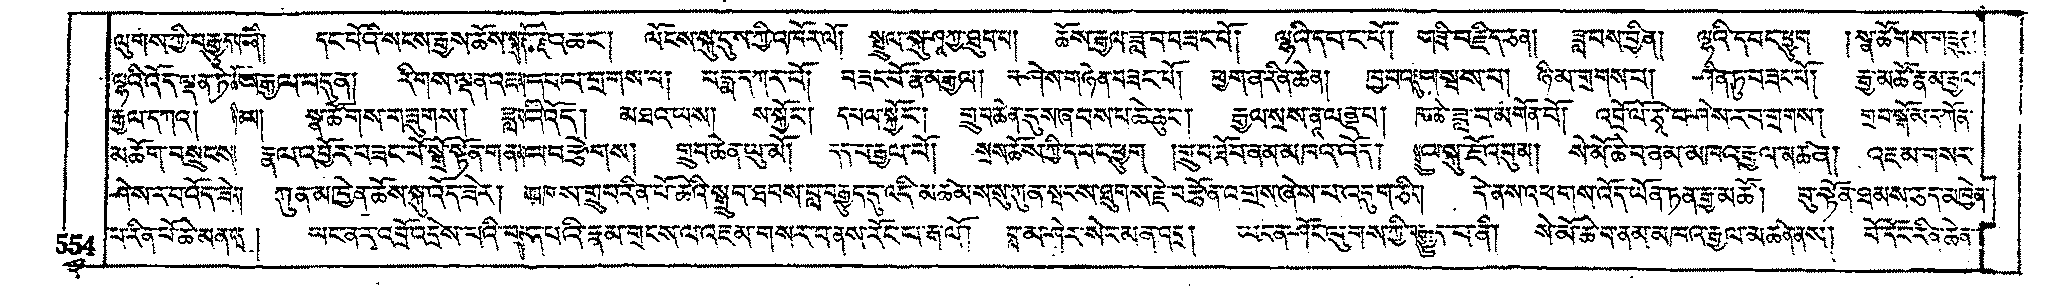ལུགས་ཀྱི་བརྒྱུད་པ་ནི། དང་པོའི་སངས་རྒྱས་ཆོས་སྐུ་རྡོ་རྗེ་འཆང་། ལོངས་སྐུ་དུས་ཀྱི་འཁོར་ལོ། སྤྲུལ་སྐུ་ཤཱཀྱ་ཐུབ་པ། ཆོས་རྒྱལ་ཟླ་བ་བཟང་པོ། ལྷའི་དབང་པོ། གཟི་བརྗིད་ཅན། ཟླ་བས་བྱིན། ལྷའི་དབང་ཕྱུག །སྣ་ཚོགས་གཟུཌ།
ལྷའི་འོད་ལྡན་ཏེ་ཆོས་རྒྱལ་བདུན། རིགས་ལྡན་འཇམ་དཔལ་གྲགས་པ། པདམ་དཀར་པོ། བཟང་པོ་རྣམ་རྒྱལ། བཤེས་གཉེན་བཟང་པོ། ཕྱག་ན་རིན་ཆེན། ཁྱབ་འཇུག་སྦས་པ། ཉི་མ་གྲགས་པ། ཤིན་ཏུ་བཟང་པོ། རྒྱ་མཚོ་རྣམ་རྒྱལ།
རྒྱལ་དཀའ། ཉི་མ། སྣ་ཚོགས་གཟུགས། ཟླ་བའི་འོད། མཐའ་ཡས། ས་སྐྱོང་། དཔལ་སྐྱོང་། གྲུབ་ཆེན་དུས་ཞབས་པ་ཆེ་ཆུང་། རྒྱལ་སྲས་ནཱ་ལནྡ་པ། ཁ་ཆེ་ཟླ་བ་མགོན་པོ། འབྲོ་ལོ་ཙཱ་བ་ཤེས་རབ་གྲགས། གྲབ་སྒོམ་དཀོན་
མཆོག་བསྲུངས། རྣལ་འབྱོར་བཟང་པོ་སྒྲོ་སྟོན་གནམ་ལ་བརྩེགས། གྲུབ་ཆེན་ཡུ་མོ། དད་པ་རྒྱལ་པོ། སྲས་ཆོས་ཀྱི་དབང་ཕྱུག །གྲུབ་ཐོབ་ནམ་མཁའ་འོད། སྤྲུལ་སྐུ་ཇོ་འབུམ། སེ་མོ་ཆེ་བ་ནམ་མཁའ་རྒྱལ་མཚན། འཇམ་གསར་
ཤེས་རབ་འོད་ཟེར། ཀུན་མཁྱེན་ཆོས་སྐུ་འོད་ཟེར། མཁས་གྲུབ་རིན་པོ་ཆེའི་སྒྲུབ་ཐབས་བླ་བརྒྱུད་དུ་འདི་མཚམས་སུ་ཀུན་སྤངས་ཐུགས་རྗེ་བརྩོན་འགྲུས་ཞེས་པ་འདུག་ཅིང་། དེ་ནས་འཕགས་འོད་ཡོན་ཏན་རྒྱ་མཚོ། བུ་སྟོན་ཐམས་ཅད་མཁྱེན་
པ་རིན་པོ་ཆེ་མན་འདྲ། ཡང་ན་རྭ་འབྲོ་འདྲེས་པའི་བརྒྱུད་པའི་རྣམ་གྲངས་ལ་འཇམ་གསར་བ་ནས་རོང་བ་རྒ་ལོ། བླ་མ་ཤེར་སེང་མན་འདྲ། ཡང་ན་ཤོང་ལུགས་ཀྱི་བརྒྱུད་པ་ནི། སེ་མོ་ཆེ་བ་ནམ་མཁའ་རྒྱལ་མཚན་ནས། བོ་དོང་རིན་ཆེན་